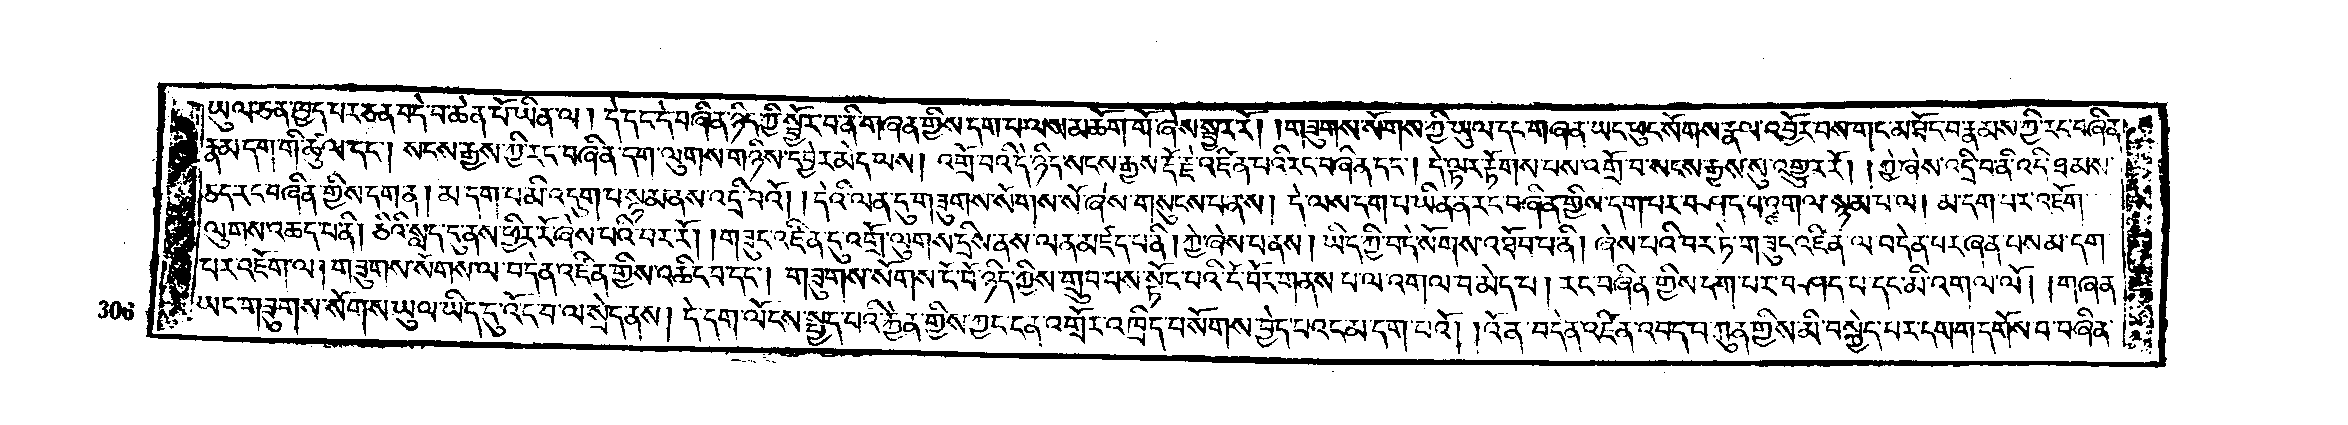ཡུལ་ཅན་ཁྱད་པར་ཅན་བདེ་བ་ཆེན་པོ་ཡིན་ལ། དེ་དང་དེ་བཞིན་ཉིད་ཀྱི་སྦྱོར་བ་ནི་གཞན་གྱིས་དག་པ་ལས་མཆོག་གོ་ཞེས་སྦྱར་རོ། །གཟུགས་སོགས་ཀྱི་ཡུལ་དང་གཞན་ཡང་ཕུང་སོགས་རྣལ་འབྱོར་བས་གང་མཐོང་བ་རྣམས་ཀྱི་རང་བཞིན་
རྣམ་དག་གི་ཚུལ་དང་། སངས་རྒྱས་ཀྱི་རང་བཞིན་དག་ལུགས་གཉིས་དབྱེར་མེད་ལས། འགྲོ་བའི་དེ་ཉིས་སངས་རྒྱས་རྡོ་རྗེ་འཛིན་པའི་རང་བཞིན་དང་། དེ་ལྟར་རྟོགས་པས་འགྲོ་བ་སངས་རྒྱས་སུ་འགྱུར་རོ། །ཀྱེ་ཞེས་འདྲི་བ་ནི་འདི་ཐམས་
ཅད་རང་བཞིན་གྱིས་དག་ན། མ་དག་པ་མི་འདུག་པ་སྙམ་ནས་འདྲི་བའོ། །དེའི་ལན་དུ་གཟུགས་སོགས་སོ་ཞེས་གསུངས་པ་ནས། དེ་ལས་དག་པ་ཡིན་ན་རང་བཞིན་གྱིས་དག་པར་བཤད་པ་འགལ་སྙམ་པ་ལ། མ་དག་པར་འཇོག་
ལུགས་འཆད་པ་ནི། ཅིའི་སླད་དུ་ནས་ཕྱིར་རོ་ཞེས་པའི་བར་རོ། །གཟུང་འཛིན་དུ་འགྲོ་ལུགས་དྲིས་ནས་ལན་མཛད་པ་ནི། ཀྱེ་ཞེས་པ་ནས། ཡིད་ཀྱི་བདེ་སོགས་འཐོབ་པ་ནི། ཞེས་པའི་བར་ཏེ་གཟུང་འཛིན་ལ་བདེན་པར་ཞན་པས་མ་དག་
པར་འཇོག་ལ། གཟུགས་སོགས་ལ་བདེན་འཛིན་གྱིས་འཆིང་བ་དང་། གཟུགས་སོགས་ངོ་བོ་ཉིད་ཀྱིས་གྲུབ་པས་སྟོང་པའི་ངོ་བོར་གནས་པ་ལ་འགལ་བ་མེད་པ། རང་བཞིན་གྱིས་དག་པར་བཤད་པ་དང་མི་འགལ་ལོ། །གཞན་
ཡང་གཟུགས་སོགས་ཡུལ་ཡིད་དུ་འོང་བ་ལ་སྲེད་ནས། དེ་དག་ལོངས་སྤྱད་པའི་རྐྱེན་གྱིས་ཀྱང་ངན་འགྲོར་འཁྲིད་པ་སོགས་བྱེད་པའང་མ་དག་པའོ། །འོ་ན་བདེན་འཛིན་འབད་པ་ཀུན་གྱིས་མི་བསྐྱེད་པར་དགག་དགོས་པ་བཞིན་